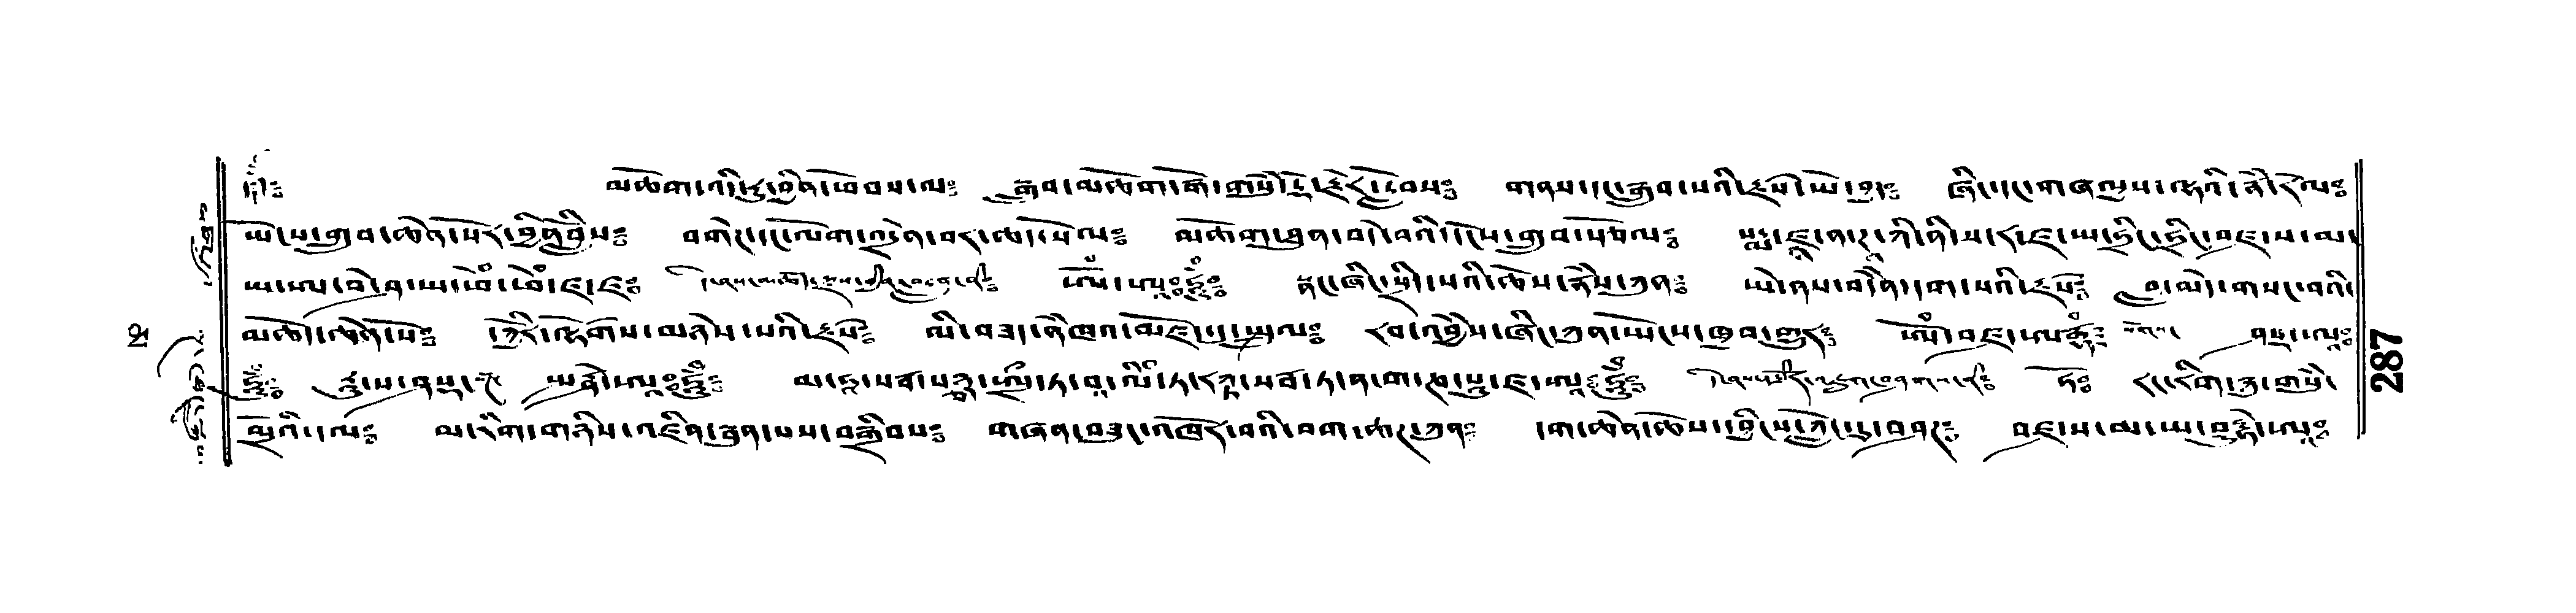མཆོག་འདི་རུ་བྱིན་ཕོབས་ལ༔ སྒྲུབ་མཆོག་སྒོ་གསུམ་རྡོ་རྗེར་རློབས༔ གནས་དང་སྒྲུབ་པའི་རྫས་ཡོ་བྱད༔ ཞིང་དང་གཞལ་ཡས་ལྷའི་རྣམ་རོལ༔ 
ཡོངས་གྲུབ་ཆེན་པོར་བྱིན་གྱིས་རློབས༔ བགེགས་དང་ལོག་འདྲེན་བར་ཆད་སོལ༔ མཆོག་ཐུན་བདེ་བའི་དངོས་གྲུབ་སྩོལ༔ པདྨ་ཛྙཱ་ན་ཌཱ་ཀི་ནི་ས་ར་ཛ་ཡ་ཧྲིང་ཧྲིང་བཛྲ་ས་མ་
ཡ་ཨ་བེ་ཤ་ཡ་ཕེཾ་ཕེཾ་ཛ་ཛཿ དེ་ནས་མཆོད་རྫས་བྱིན་བརླབ་ནི༔ ཨོཾ་ཨཱཿཧཱུྃ༔ སྣང་ཞིང་སྲིད་པའི་ཆོས་རྣམས་ཀུན༔ཡེ་ནས་བདེ་ཆེན་དག་པའི་རྫས༔ བླ་མེད་གསང་བའི་
མཆོད་ཆེན་པོ༔ དཀྱིལ་འཁོར་ལྷ་ཚོགས་མཉེས་པའི་རྫས༔ མི་ཟད་ནམ་མཁའ་མཛོད་དུ་སྤྲུལ༔ རབ་འབྱམས་ཞིང་ཀུན་ཡོངས་ཁྱབ་གྱུར༔ ཨོཾ་བཛྲ་ཨརྒྷཾ་སོགས༔ ཤཔྡ་ཨཱཿ
ཧཱུྃ༔ རཱུ་པ་ཤཔྡ་སོགས༔ སྤརྴེ་ཨཱཿཧཱུྃ༔ མ་ཧཱ་སརྦ་པཉྩ་ཨ་མྲྀ་ཏ་བཱ་ལིཾ་ཏ་རཀྟ་སརྦ་ཏ་ན་ག་ཎ་པཱུ་ཛ་ཨཱཿཧཱུྃ༔ དེ་ནས་དཀྱིལ་འཁོར་འཇུག་བཤགས་ནི༔ ཧོཿ རང་རིག་སྐུ་གསུམ་མཁའ་
འགྲོའི་དལ༔ མ་རིག་གཉིས་འཛིན་སྦུན་པས་བསྒྲིབས༔ གཞན་བཟུང་འཁོར་བའི་བག་ཆགས་ཀུན༔ དག་ཆེན་ཆོས་དབྱིངས་ཀློང་དུ་བཤགས༔ བཛྲ་ས་མ་ཡ་ཤུདྡྷེ་ཨཱཿ